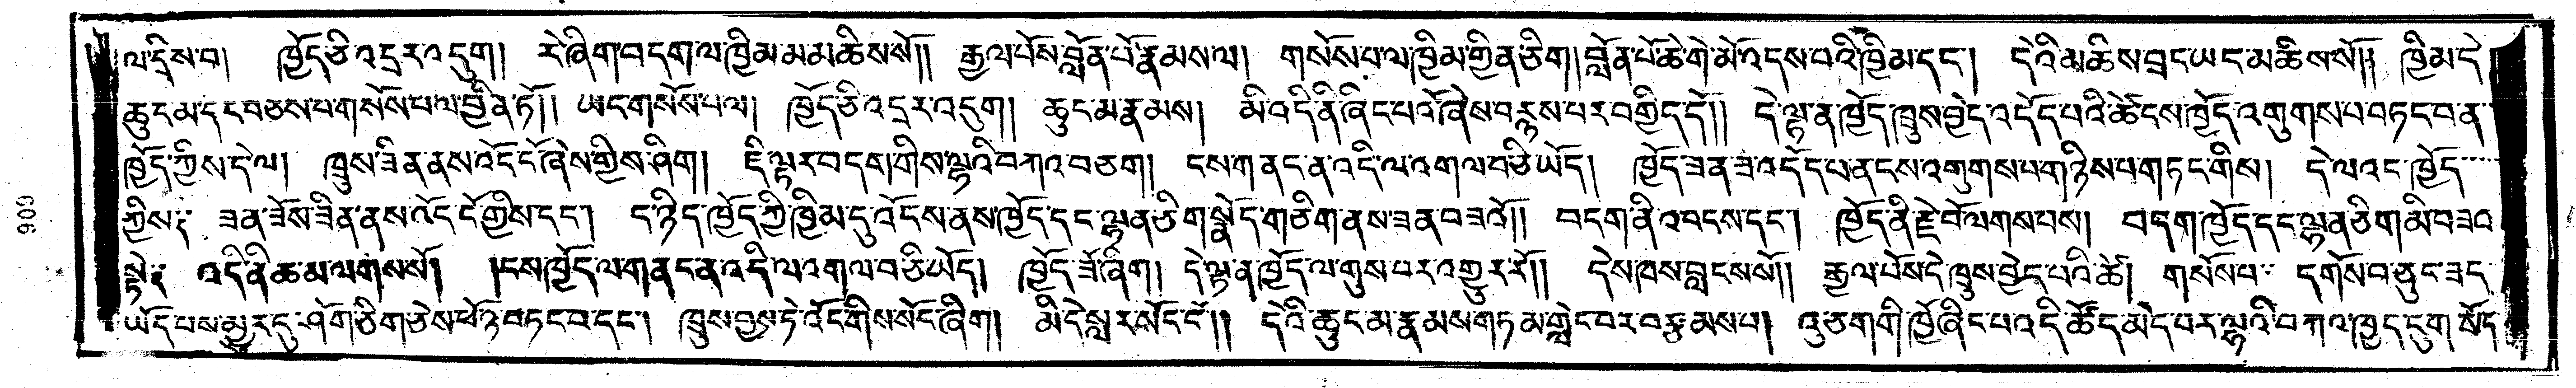ལ་དྲིས་པ། ཁྱོད་ཅི་འདྲར་འདུག། རེ་ཞིག་བདག་ལ་ཁྱིམ་མ་མཆིས་སོ།། རྒྱལ་པོས་བློན་པོ་རྣམས་ལ། གསོས་པ་ལ་ཁྱིམ་གྱིན་ཅིག། བློན་པོ་ཆེ་གེ་མོ་འདས་པའི་ཁྱིམ་དང་། དེའི་མཆིས་བྲང་ཡང་མཆིས་སོ།། ཁྱིམ་དེ་
ཆུང་མ་དང་བཅས་པ་གསོས་པ་ལ་བྱིན་ཏོ།། ཡང་གསོས་པ་ལ། ཁྱོད་ཅི་འདྲར་འདུག། ཆུང་མ་རྣམས། མི་འདི་ནི་ཞིང་པའོ་ཞེས་བརྙས་པར་བགྱིད་དོ།། དེ་ལྟ་ན་ཁྱོད་ཁྲུས་བྱེད་འདོད་པའི་ཚེངས་ཁྱོད་འགུགས་པ་བཏང་བ་ན་
ཁྱོད་ཀྱིས་དེ་ལ། ཁྲུས་ཟིན་ནས་འོང་ངོ་ཞེས་གྱིས་ཤིག། ཇི་ལྟར་བདག་གིས་ལྷའི་བཀའ་བཅག། ངས་གནང་ན་འདི་ལ་འགལ་བ་ཅི་ཡོད། ཁྱོད་ཟན་ཟ་འདོད་པ་ན་ངས་འགུགས་པ་གཉིས་པ་གཏང་གིས། དེ་ལའང་ཁྱོད་
ཀྱིས༑ ཟན་ཟོས་ཟིན་ནས་འོང་ངོ་གྱིས་དང་། ང་ཉིད་ཁྱོད་ཀྱི་ཁྱིམ་དུ་འོངས་ནས་ཁྱོད་དང་ལྷན་ཅིག་སྣོད་གཅིག་ནས་ཟན་བཟའོ།། བདག་ནི་འབངས་དང་། ཁྱོད་ནི་རྗེ་བོ་ལགས་པས། བདག་ཁྱོད་དང་ལྷན་ཅིག་མི་བཟའ་
སྟེ༑ འདི་ནི་ཆ་མ་ལགས་སོ། །ངས་ཁྱོད་ལ་གནང་ན་འདི་ལ་འགལ་བ་ཅི་ཡོད། ཁྱོད་ཟོ་ཞིག། དེ་ལྟ་ན་ཁྱོད་ལ་གུས་པར་འགྱུར་རོ།། དེས་ཁས་བླངས་སོ།། རྒྱལ་པོས་དེ་ཁྲུས་བྱེད་པའི་ཚེ། གསོས་པ་དགོས་པ་ཅུང་ཟད་
ཡོད་པས་མྱུར་དུ་ཤོག་ཅིག་ཅེས་ཕོ་ཉ་བཏང་བ་དང་། ཁྲུས་བྱས་ཏེ་འོང་གིས་སོང་ཞིག། མི་དེ་སླར་སོང་ངོ།། དེའི་ཆུང་མ་རྣམས་གཏམ་གླེང་བར་བརྩམས་པ། འུ་ཅག་གི་ཁྱོ་ཞིང་པ་འདི་ཚོད་མེད་པར་ལྷའི་བཀའ་ཁྱད་དུག་སོད་